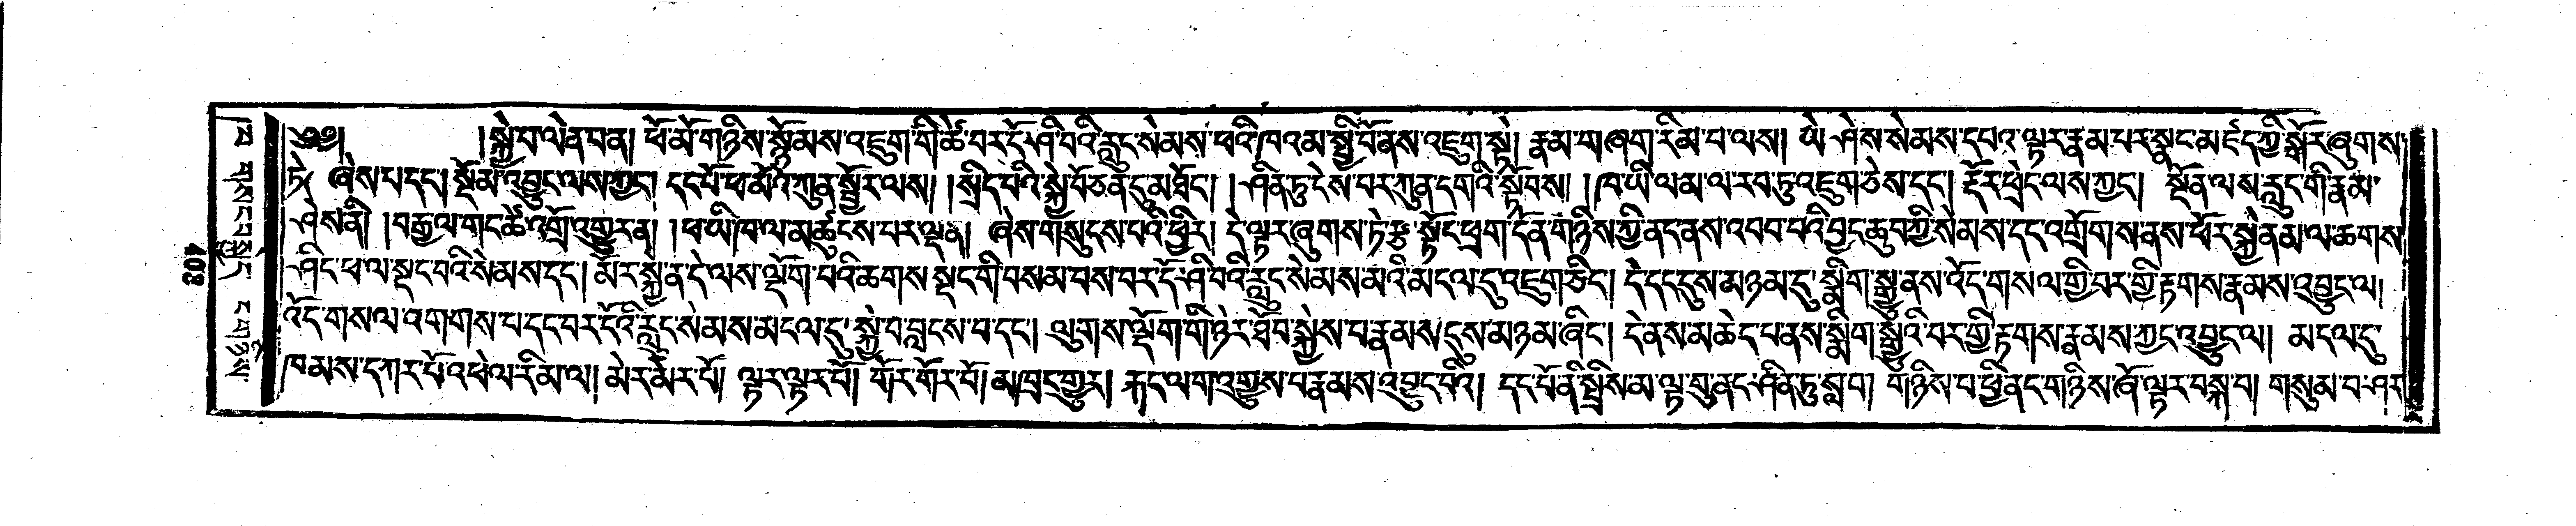༄༅། །སྐྱེ་བ་ལེན་པ་ན། ཕོ་མོ་གཉིས་སྙོམས་འཇུག་གི་ཚེ་བར་དོ་ཤི་བའི་རླུང་སེམས་པའི་ཁའམ་སྤྱི་བོ་ནས་འཇུག་སྟེ། རྣམ་གཞག་རིམ་པ་ལས། ཡེ་ཤེས་སེམས་དཔའ་ལྟར་རྣམ་པར་སྣང་མཛད་ཀྱི་སྒོར་ཞུགས་
ཏེ། ཞེས་པ་དང་། སྡོམ་འབྱུང་ལས་ཀྱང་། དང་པོ་པ་མའི་ཀུན་སྦྱོར་ལས། །སྲིད་པའི་སྐྱེ་བོ་ཅན་དུ་མཐོང་། །ཤིན་ཏུ་ངེས་བར་ཀུན་དགའི་སྟོབས། །ཁ་ཡི་ལམ་ལ་རབ་ཏུ་འཇུག་ཅེས་དང་། རྡོར་ཕྲེང་ལས་ཀྱང་། སྔོན་ལས་རླུང་གི་རྣམ་
ཤེས་ནི། །བརྒྱ་ལ་གང་ཚེ་འགྲོ་འགྱུར་ན། །ཕ་ཡི་ཁ་ལ་མཚུངས་པར་ལྡན། ཞེས་གསུངས་པའི་ཕྱིར། དེ་ལྟར་ཞུགས་ཏེ་རྩ་སྟོང་ཕྲག་དོན་གཉིས་ཀྱི་ནང་ནས་འབབ་པའི་བྱང་ཆུབ་ཀྱི་སེམས་དང་འགྲོགས་ནས་ཕོར་སྐྱེན་མ་ལ་ཆགས་
ཤིང་ཕ་ལ་སྡང་བའི་སེམས་དང་། མོར་སྐྱེ་ན་དེ་ལས་ལྡོག་པའི་ཆགས་སྡང་གི་བསམ་པས་བར་དོ་ཤི་བའི་རླུང་སེམས་མའི་མངལ་དུ་འཇུག་ཅིང་། དེ་དང་དུས་མཉམ་དུ་སྨིག་སྒྱུ་ནས་འོད་གསལ་གྱི་བར་གྱི་རྟགས་རྣམས་འབྱུང་ལ།
འོད་གསལ་འགགས་པ་དང་བར་དོའི་རླུང་སེམས་མངལ་དུ་སྐྱེ་བ་བླངས་པ་དང་། ལུགས་ལྡོག་གི་ཉེར་ཐོབ་སྐྱེས་པ་རྣམས་དུས་མཉམ་ཞིང་། དེ་ནས་མཆེད་པ་ནས་སྨིག་སྒྱུའི་བར་གྱི་རྟགས་རྣམས་ཀྱང་འབྱུང་ལ། མངལ་དུ་
ཁམས་དཀར་པོ་འཕེལ་རིམ་ལ། མེར་མེར་པོ། ལྟར་ལྟར་པོ། གོར་གོར་པོ། མཁྲང་གྱུར། རྐང་ལག་འགྱུས་བ་རྣམས་འབྱུང་བའི། དང་པོ་ནི་སྤྲིས་མ་ལྟ་བུ་དང་ཤིན་ཏུ་སླ་བ། །གཉིས་བ་ཕྱི་ནང་གཉིས་ཞོ་ལྟར་བསྐ་བ། གསུམ་པ་ཤར་